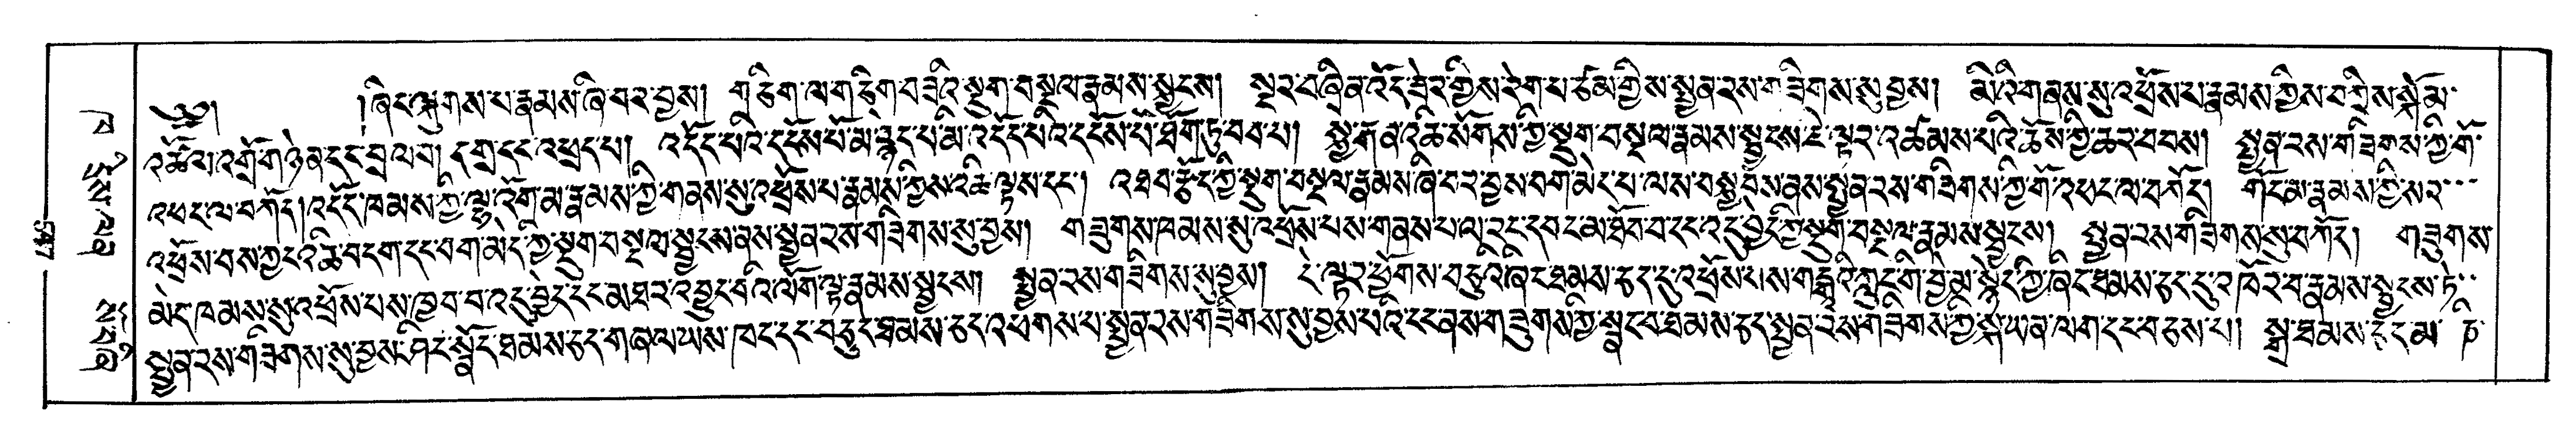༄༅། །ཞིང་ལྐུགས་པ་རྣམས་ཞི་པར་བྱས། གཅིག་ལ་གཅིག་བཟའི་སྡུག་བསྔལ་རྣམས་སྦྱངས། སྔར་བཞིན་འོད་ཟེར་གྱིས་རེག་པ་ཙམ་གྱིས་སྤྱན་རས་གཟིགས་སུ་བྱས། མིའི་གནས་སུ་འཕྲོས་པ་རྣམས་ཀྱིས་བཀྲེས་སྐོམ་
འཚོལ་འགྲོ་གཉེན་དང་བྲལ་བ། དགྲ་དང་འཕྲད་པ། འདོད་པའི་དངོས་པོ་མ་རྙེད་པ་མི་འདོད་པའི་དངོས་པོ་ཐོག་ཏུ་བབ་པ། སྐྱེ་རྒན་འཆི་སོགས་ཀྱི་སྡུག་བསྔལ་རྣམས་སྤྱངས་ཇི་ལྟར་འཚམས་པའི་ཆོས་ཀྱི་ཆར་ཕབས། སྤྱན་རས་གཟིགས་ཀྱི་གོ་
འཕང་ལ་བཀོད། འདོད་ཁམས་ཀྱི་ལྷ་འོག་མ་རྣམས་ཀྱི་གནས་སུ་འཕྲོས་པ་རྣམས་ཀྱིས་འཆི་ལྟས་དང་། འཐབ་རྩོད་ཀྱི་སྡུག་བསྔལ་རྣམས་ཞི་བར་བས་བག་མེད་པ་ལས་བསྐྱབས་ནས་སྤྱན་རས་གཟིགས་ཀྱི་གོ་འཕང་ལ་བཀོད། གོང་མ་རྣམས་ཀྱི་སར་
འཕྲོས་པས་ཀྱང་འཆི་བདག་དང་བག་མེད་ཀྱི་སྡུག་བསྔལ་སྦྱངས་ནས་སྤྱན་རས་གཟིགས་སུ་བྱས། གཟུགས་ཁམས་སུ་འཕྲོས་པས་གནས་པ་ལ་རང་དབང་མ་ཐོབ་པ་དང་འདུ་བྱེད་ཀྱི་སྡུག་བསྔལ་རྣམས་སྦྱངས། སྤྱན་རས་གཟིགས་སུ་བཀོད། གཟུགས་
མེད་ཁམས་སུ་འཕྲོས་པས་ཁྱབ་པ་འདུ་བྱེད་དང་མཐར་འབྱུང་བའི་ལོག་ལྟ་རྣམས་སྦྱངས། སྤྱན་རས་གཟིགས་སུ་བྱས། དེ་ལྟར་ཕྱོགས་བཅུའི་ཞིང་ཐམས་ཅད་དུ་འཕྲོས་པས་གངྒའི་ཀླུང་གི་བྱེ་མ་སྙེད་ཀྱི་ཞིང་ཐམས་ཅད་དུ་འཁོར་བ་རྣམས་སྦྱངས་ཏེ་
སྤྱན་རས་གཟིགས་སུ་བྱས་ཤིང་སྣོད་ཐམས་ཅད་གཞལ་ཡས་ཁང་དང་བཅུད་ཐམས་ཅད་འཕགས་པ་སྤྱན་རས་གཟིགས་སུ་བྱས་པའི་ངང་ནས་གཟུགས་ཀྱི་སྣང་བ་ཐམས་ཅད་སྤྱན་རས་གཟིགས་ཀྱི་སྐུ་ཡན་ལག་དང་བཅས་པ། སྒྲ་ཐམས་ཅད་མ་ཎི།